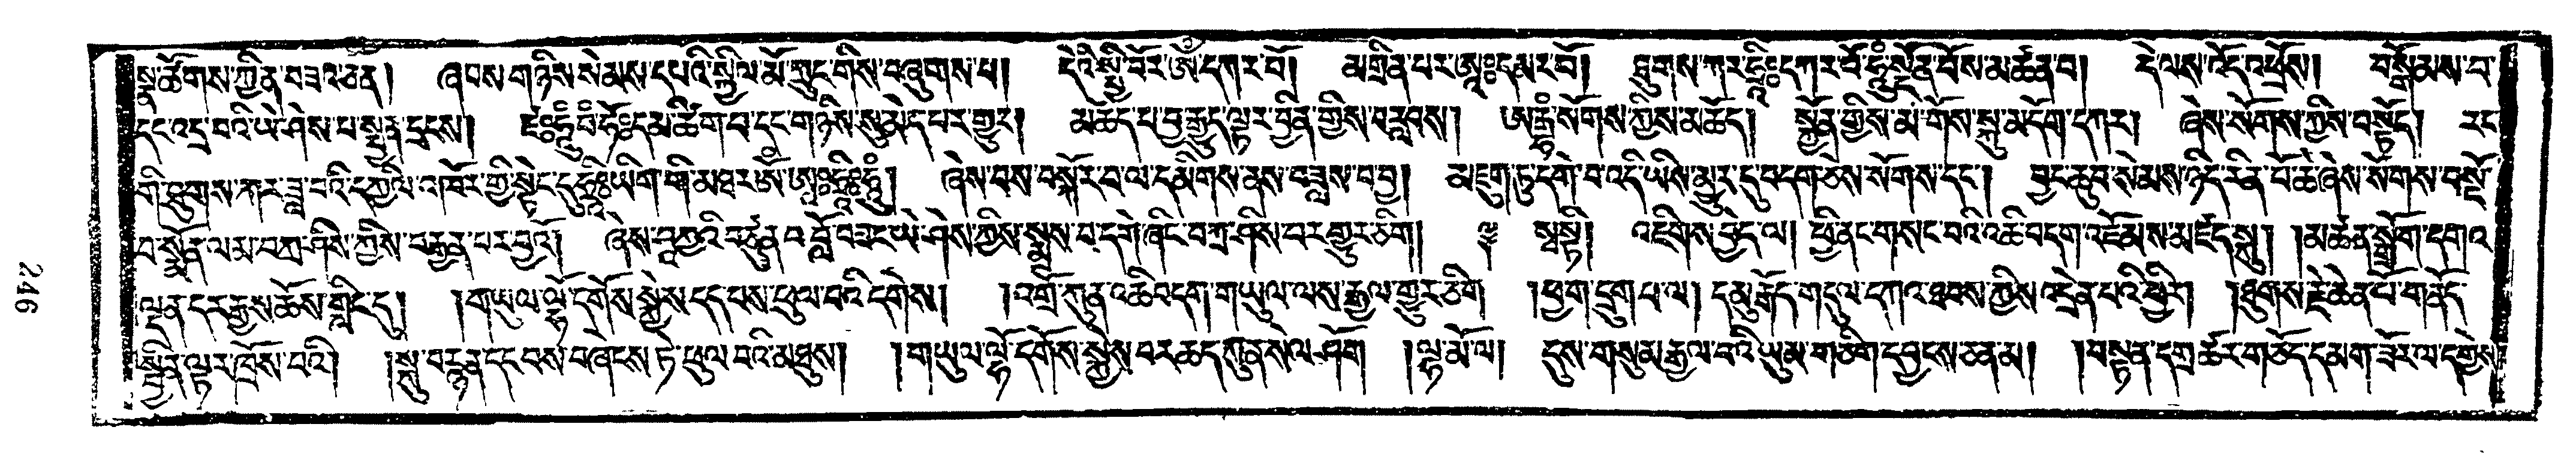སྣ་ཚོགས་ཀྱི་ན་བཟའ་ཅན། ཞབས་གཉིས་སེམས་དཔའི་སྐྱིལ་མོ་ཀྲུང་གིས་བཞུགས་པ། དེའི་སྤྱི་བོར་ཨོཾ་དཀར་པོ། མགྲིན་པར་ཨཱཿདམར་བོ། ཐུགས་ཀར་ཧྲཱིཿ དཀར་པོ་ཧཱུཾ་སྔོན་བོས་མཚན་བ། དེ་ལས་འོད་འཕྲོས། བསྒོམས་བ་
དང་འདྲ་བའི་ཡེ་ཤེས་པ་སྤྱན་དྲངས། ཛཿཧཱུཾ་བཾ་ཧོཿདམ་ཚིག་བ་དང་གཉིས་སུ་མེད་པར་གྱུར། མཆོད་པ་བྱ་རྒྱུད་ལྟར་བྱིན་གྱིས་བརླབས། ཨརྒྷཾ་སོགས་ཀྱིས་མཆོད། སྐྱོན་གྱིས་མ་གོས་སྐུ་མདོག་དཀར། ཞེས་སོགས་ཀྱིས་བསྟོད། རང་
གི་ཐུགས་ཀར་ཟླ་བའི་དཀྱིལ་འཁོར་གྱི་སྟེང་དུ་ཧྲཱིཿ ཡིག་གི་མཐར་ཨོཾ་ཨཱཿཧྲཱིཿཧཱུཾ། ཞེས་བས་བསྐོར་བ་ལ་དམིགས་ནས་བཟླས་བ་བྱ། མཇུག་ཏུ་དགེ་བ་འདི་ཡིས་མྱུར་དུ་བདག་ཅེས་སོགས་དང་། བྱང་ཆུབ་སེམས་ཉིད་རིན་པོ་ཆེ་ཞེས་སོགས་བསྔོ་
བ་སྨོན་ལམ་བཀྲ་ཤིས་ཀྱིས་བརྒྱན་པར་བྱའོ། ཞེས་ཤཱཀྱའི་བཙུན་བ་བློ་བཟང་ཡེ་ཤེས་ཀྱིས་སྨྲས་བ་དགེ་ཞིང་བཀྲ་ཤིས་བར་གྱུར་ཅིག། ༈ སྭསྟི། འཇིགས་བྱེད་ལ། ཕྱི་ནང་གསང་བའི་འཆི་བདག་འཇོམས་མཛད་སྐུ། །མཚན་སྒྲོག་དགའ་
ལྡན་དར་རྒྱས་ཆོས་གླིང་དུ། །གཡུལ་ལྷོ་དགོས་སྐྱེས་དད་པས་ཕུལ་བའི་དགེས། །འགྲོ་ཀུན་འཆི་བདག་གཡུལ་ལས་རྒྱལ་གྱུར་ཅིག །ཕྱག་དྲུག་པ་ལ། དམུ་རྒོད་གདུལ་དཀའ་ཐབས་ཀྱིས་འདྲེན་པའི་ཕྱིར། །ཐུགས་རྗེ་ཆེན་པོ་གནོད་
སྦྱིན་ལྟར་ཁྲོས་པའི། །སྐུ་བརྙན་དང་བས་བཞེངས་ཏེ་ཕུལ་བའི་མཐུས། །གཡུལ་ལྷོ་དགོས་སྐྱེས་བར་ཆད་ཀུན་སེལ་ཤོག །ལྷ་མོ་ལ། དུས་གསུམ་རྒྱལ་བའི་ཡུམ་གཅིག་དབྱངས་ཅན་མ། །བསྟན་དགྲ་ཚར་གཅོད་དམག་ཟོར་ལ་དགྱེས་